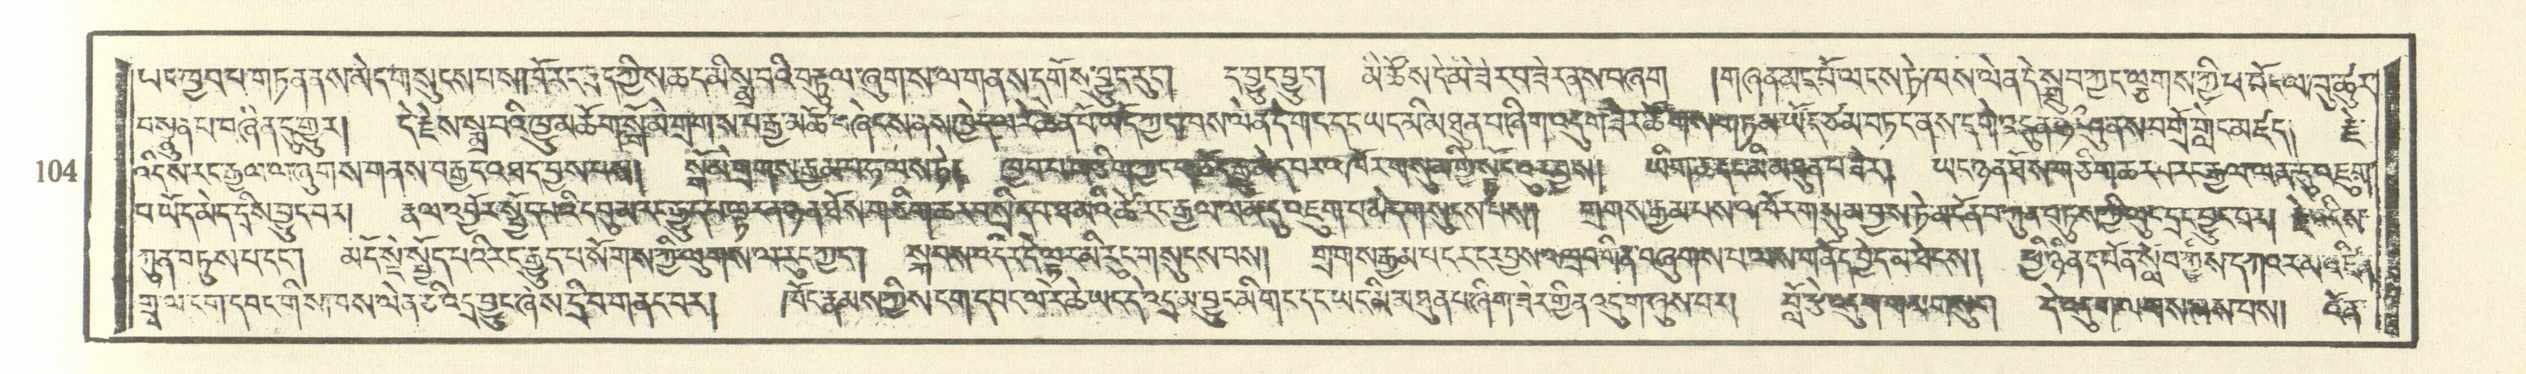ཡང་ཁྱབ་པ་གཏན་ནས་མེད་གསུངས་པས་ཁོ་རང་རྦད་ཀྱིས་ཆད་མི་སྨྲ་བའི་བརྟུལ་ཞུགས་ལ་གནས་དགོས་བྱུང་རུང་། ད་བྱུང་བྱུང་། མི་ཚོས་དེ་མི་ཟེར་བ་ཟེར་ནས་བཞག །གཞན་མང་པོ་ལངས་ཏེ་ཁས་ལེན་དེ་སྒྲུབ་ཀྱང་ལྕགས་ཀྱི་ཕ་བོང་ལ་ཁུ་ཚུར་
བ་སྣུན་པ་བཞིན་དུ་གྱུར། དེ་རྗེས་སྨྲ་བའི་ཁྱུ་མཆོག་སྒོ་མེ་གྲགས་པ་རྒྱ་མཚོ་བཞེངས་ནས་ཁྱེད་ལ་རེ་ཆེན་པོ་ཡོད་ཀྱང་ཁས་ལེན་དེ་གང་དང་ཡང་མི་མཐུན་པ་ཞིག་འདུག་ཟེར་ཚོགས་གཏམ་ཡོད་ཙམ་བཏང་ནས་དགེ་འདུན་ཉྀ་ཤུ་ནས་བགྲོ་གླེང་མཛད། རྗེ་
འདིས་རང་རྒྱལ་ལ་ཞུགས་གནས་བརྒྱད་འཐད་བྱས་པས། སྒོ་མེ་གྲགས་རྒྱམ་པ་ཧ་ལས་ཏེ། ཁྱབ་པ་གཅིག་ཀྱང་གཅོད་རྒྱུ་མེད་པར་འཁོར་གསུམ་གྱི་སྟོད་འུར་བྱས། ཡིག་ཆ་དང་མི་མཐུན་པ་ཟེར། ཡང་ཉན་ཐོས་གཅིག་ཆར་བ་རང་རྒྱལ་ལམ་དུ་འཇུག།
པ་ཡོད་མེད་དྲིས་བྱུང་བར། རྣལ་འབྱོར་སྤྱོད་པའི་དབུ་མ་རང་རྒྱུད་པ་ལྟར་ན་ཉན་ཐོས་གཅིག་ཆར་བ་སྲིད་པ་ཐ་མའི་ཚེ་རང་རྒྱལ་ལམ་དུ་འཇུག་པ་མེད་གསུངས་པས། གྲགས་རྒྱམ་པས་འཁོར་གསུམ་བྱས་ཏེ་མངོན་པ་ཀུན་བཏུས་ཀྱི་ལུང་དྲང་བྱུང་བར། རྗེ་འདིས་
ཀུན་བཏུས་པ་དང་། མདོ་སྔེ་སྤྱོད་པའི་རང་རྒྱུད་པ་སོགས་ཀྱི་ལུགས་ལ་རུང་ཀྱང་། སྐབས་འདིར་དེ་ལྟར་མི་རུང་གསུངས་པས། གྲགས་རྒྱམ་པ་ངར་ངར་བྱས་འཁྲབ་གིན་བཞུགས་པ་ལས་གནོད་བྱེད་མ་ཐེངས། ཕྱི་ཉིན་དཔོན་སློབ་ཀྱིས་དཀའ་རམ་འཛིན་
གྲྭ་ལ་ངག་དབང་གིས་ཁས་ལེན་ཅི་འདྲ་བྱུང་ཞེས་དྲི་བ་གནང་བར། ཁོང་རྣམས་ཀྱིས་ངག་དབང་ལ་རེ་ཆེ་ཡང་དེ་འདྲ་མ་བྱུང་མི་གང་དང་ཡང་མི་མཐུན་པ་ཞིག་ཟེར་གྱིན་འདུག་ཞུས་པར། བློ་རྩེ་འདུག་གམ་གསུང་། དེ་འདུག་ལགས་ཞུས་པས། འོ་ན་